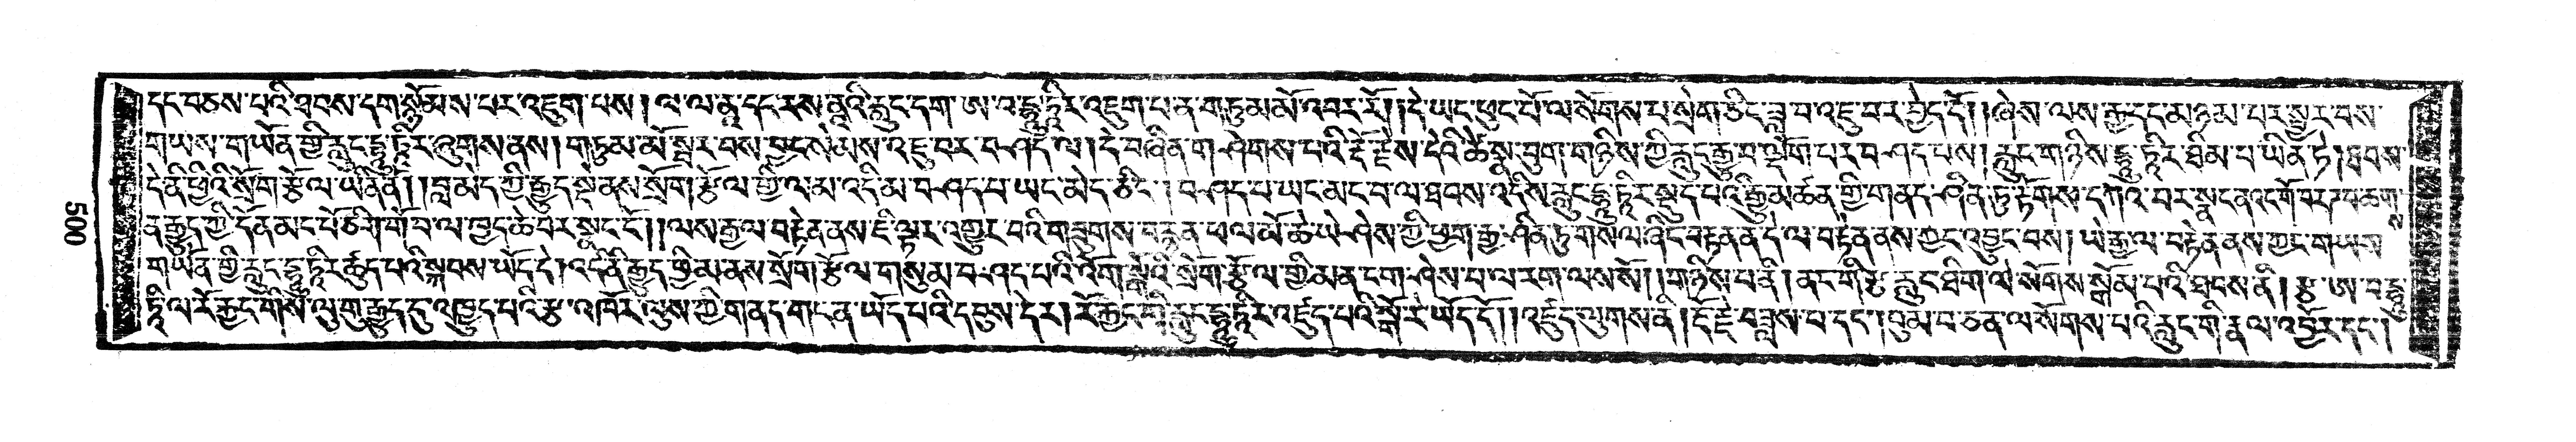དང་བཅས་པའི་ཐབས་དག་སྙོམས་པར་འཇུག་པས། ལ་ལ་ནཱ་དང་ར་ས་ནཱའི་རླུང་དག་ཨ་བ་དྷཱུ་ཏཱིར་འཇུག་པ་ན་གཏུམ་མོ་འབར་རོ། །དེ་ཡང་ཕུང་པོ་ལ་སོགས་པ་སྲེག་ཅིང་ཟླ་བ་འཇུ་བར་བྱེད་དོ། །ཞེས་ལས་རྒྱ་དང་མཉམ་པར་སྦྱར་བས་
གཡས་གཡོན་གྱི་རླུང་དྷཱུ་ཏཱིར་ཞུགས་ནས། གཏུམ་མོ་སྦར་བས་བྱང་སེམས་འཇུ་བར་བཤད་ལ། དེ་བཞིན་གཤེགས་པའི་རྡོ་རྗེས་དེའི་ཚེ་སྣ་བུག་གཉིས་ཀྱི་རླུང་རྒྱུ་བ་ལྡོག་པར་བཤད་པས། རླུང་གཉིས་དྷཱུ་ཏཱིར་ཐིམ་པ་ཡིན་ཏེ། ཐབས་
དེ་ནི་ཕྱིའི་སྲོག་རྩོལ་ཡིན་ནོ། །བླ་མེད་ཀྱི་རྒྱུད་སྡེ་ནས་སྲོག་རྩོལ་གྱི་ལམ་འདི་མ་བཤད་པ་ཡང་མེད་ཅིང་། བཤད་པ་ཡང་མང་བ་ལ་ཐབས་འདིས་རླུང་དྷཱུ་ཏཱིར་སྡུད་པའི་རྒྱུ་མཚན་གྱི་གནད་ཤིན་ཏུ་རྟོགས་དཀའ་བར་སྣང་ནའང་གོ་བ་རགས་པ་ཆགས་
ན་རྒྱུད་ཀྱི་དོན་མང་པོ་ཅིག་གོ་བ་ལ་ཁྱད་ཆེ་བར་སྣང་ངོ། །ལས་རྒྱལ་བརྟེན་ནས་ཇི་ལྟར་འགྱུར་བའི་གཟུགས་བརྙན་ཕལ་མོ་ཆེ་ཡེ་ཤེས་ཀྱི་ཕྱག་རྒྱ་ཤིན་ཏུ་གསལ་ཞིང་བརྟན་ན་དེ་ལ་བརྟེན་ནས་ཀྱང་འབྱུང་བས། ཡེ་རྒྱ་ལ་བརྟེན་ནས་ཀྱང་གཡས་
གཡོན་གྱི་རླུང་དྷཱུ་ཏཱིར་ཚུད་པའི་སྐབས་ཡོད་དེ། འདི་ནི་རྒྱུད་ཕྱི་མ་ནས་སྲོག་རྩོལ་གསུམ་བཤད་པའི་འོག་སྒོའི་སྲོག་རྩོལ་གྱི་མན་ངག་ཤེས་པ་ལ་རག་ལས་སོ། །གཉིས་པ་ནི། ནང་གི་རྩ་རླུང་ཐིག་ལེ་སོགས་སྒོམ་པའི་ཐབས་ནི། རྩ་ཨ་བ་དྷཱུ་
ཏཱི་ལ་རོ་རྐྱང་གིས་ལུ་གུ་རྒྱུད་དུ་འཁྱུད་པའི་རྩ་འཁོར་ལུས་ཀྱི་གནད་གང་ན་ཡོད་པའི་དབུས་དེར། རོ་རྐྱང་གི་རླུང་དྷཱུ་ཏཱིར་འཛུད་པའི་སྒོ་རེ་ཡོད་དོ། །འཛུད་ལུགས་ནི། རྡོ་རྗེ་བཟླས་པ་དང་། བུམ་པ་ཅན་ལ་སོགས་པའི་རླུང་གི་རྣལ་འབྱོར་དང་།